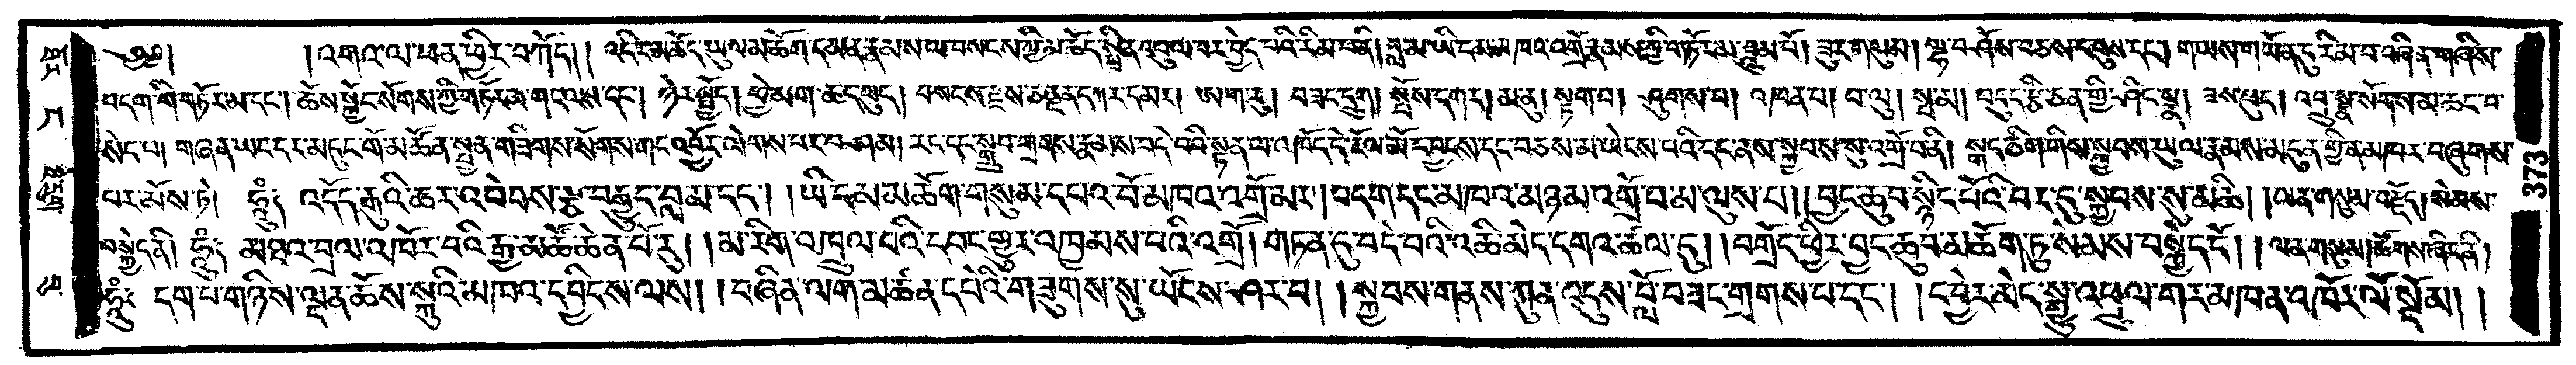༄༅། །འགའ་ལ་ཕན་ཕྱིར་བཀོད། །འདིར་མཆོད་ཡུལ་མཆོག་དམན་རྣམས་ལ་བསངས་ཀྱི་མཆོད་སྤྲིན་འབུལ་བར་བྱེད་པའི་རིམ་པ་ནི། བླ་མ་ཡི་དམ་མཁའ་འགྲོ་རྣམས་ཀྱི་བ་ཏོར་མ་ཟླུམ་པོ། ཟུར་གསུམ། ལྷ་བཤོས་བཅས་དབུས་དང་། གཡས་གཡོན་དུ་རིམ་པ་བཞིན་གཞིས་
བདག་གི་གཏོར་མ་དང་། ཆོས་སྐྱོང་སོགས་ཀྱི་གཏོར་མ་གང་ལས་དང་། ཉེར་སྤྱོད། ཕྱེ་མག་ཆད་ལུད། བསངས་རྫས་ཙནྡན་དཀར་དམར། ཨ་ག་རུ། བཟང་དྲུག །སྤོས་དཀར། མ་ནུ། སྟག་པ། ཤུགས་པ། འཁན་པ། པ་ལུ། སྤ་མ། བདུད་རྩི་ཅན་གྱི་ཤིང་སྣ། ཟས་ཕུད། འབྲུ་སྣ་སོགས་མ་ཆང་བ་
སེད་པ། གཞན་ཡང་དར་མདུང་གོ་མཚོན་སྤྱན་གཟིགས་སོགས་གང་འབྱོར་ལེགས་པར་བཤམ། རང་དང་སྒྲུབ་གྲགས་རྣམས་བདེ་བའི་སྟན་ལ་འཁོད་དེ་རོལ་མོ་དབྱངས་དང་བཅས་མ་ཡེངས་པའི་དང་ནས་སྐྱབས་སུ་འགྲོ་བ་ནི། སྐད་ཅིག་གིས་སྐྱབས་ཡུལ་རྣམས་མདུན་གྱི་ནམ་མཁར་བཞུགས་
པར་མོས་ཏེ། ཧཱུཾ། འདོད་རྒུའི་ཆར་འབེབས་རྩ་བརྒྱུད་བླ་མ་དང་། །ཡི་དམ་མཆོག་གསུམ་དཔའ་བོ་མཁའ་འགྲོ་མར། བདག་དང་མཁའ་མཉམ་འགྲོ་བ་མ་ལུས་པ། །བྱང་ཆུབ་སྙིང་པོའི་བར་དུ་སྐྱབས་སུ་མཆི། །ལན་གསུམ་བརྗོད། སེམས་
བསྐྱེད་ནི། ཧཱུཾ། མཐའ་བྲལ་འཁོར་བའི་རྒྱ་མཚོ་ཆེན་པོ་རུ། །མ་རིག་འཁྲུལ་པའི་དབང་གྱུར་འཁྱམས་པའི་འགྲོ། གཏན་དུ་བདེ་བའི་འཆི་མེད་དགའ་ཚལ་དུ། །བགྲོད་ཕྱིར་བྱང་ཆུབ་མཆོག་ཏུ་སེམས་བསྐྱེད་དོ། །ལན་གསུམ། ཚོགས་ཞིད་ནི།
ཧཱུཾ། དག་པ་གཉིས་ལྡན་ཆོས་སྐུའི་མཁའ་དབྱིངས་ལས། །བཞིན་ལག་མཚན་དཔེའི་གཟུགས་སུ་ཡོངས་ཤར་བ། །སྐྱབས་གནས་ཀུན་འདུས་བློ་བཟང་གྲགས་པ་དང་། །དབྱེར་མེད་སྒྱུ་འཕྲུལ་གར་མཁན་འཁོར་ལོ་སྡོམ། །